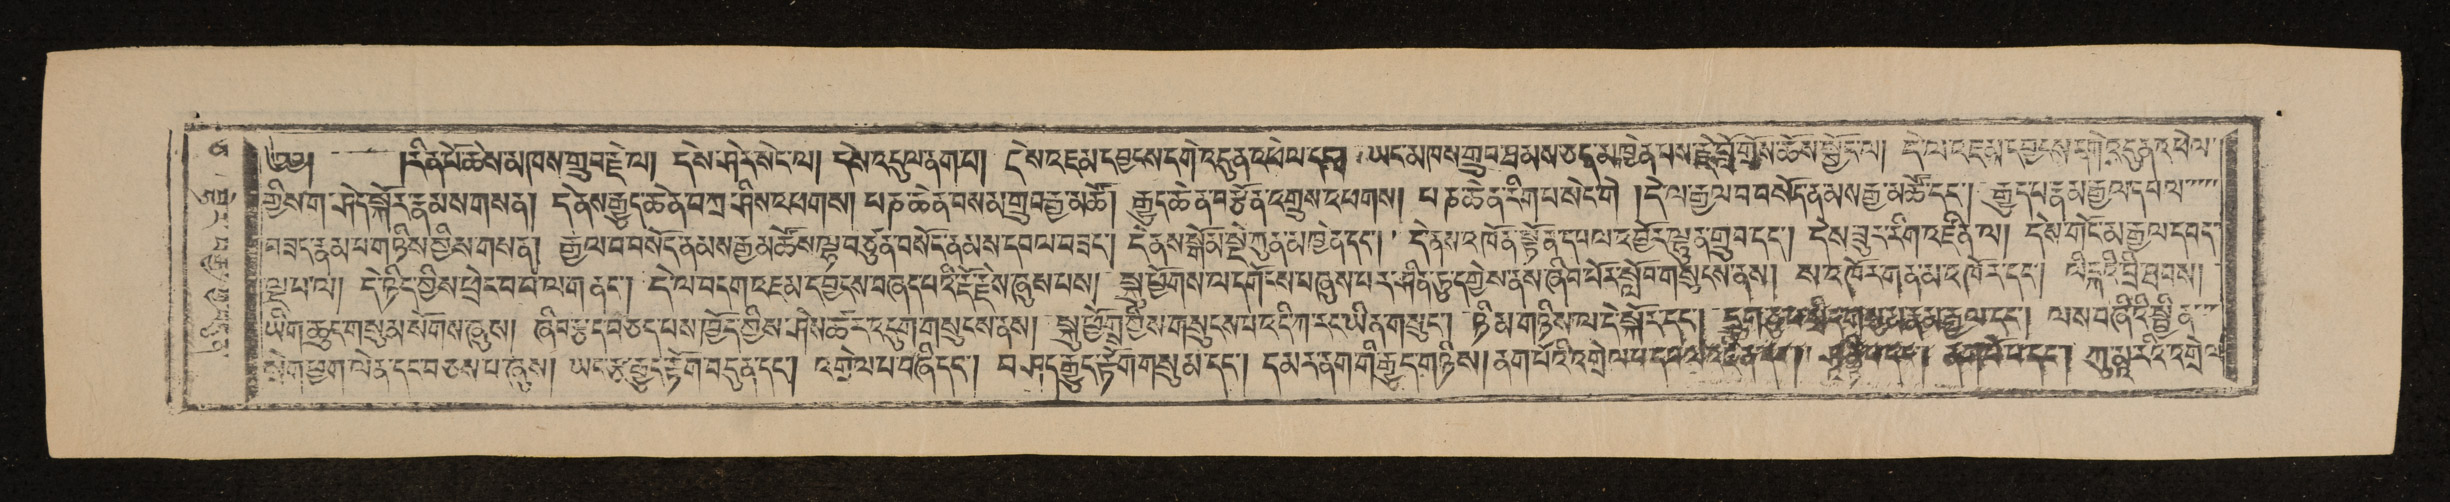༄༅། །རིན་པོ་ཆེས་མཁས་གྲུབ་རྗེ་ལ། དེས་ཤེར་སེང་ལ། དེས་འདུལ་ནག་པ། དེས་འཇམ་དབྱངས་དགེ་འདུན་འཕེལ་དང་། ཡང་མཁས་གྲུབ་ཐམས་ཅད་མཁྱེན་པས་རྗེ་བློ་གྲོས་ཆོས་སྐྱོང་ལ། དེ་ལ་འཇམ་དབྱངས་དགེ་འདུན་འཕེལ་
གྱིས་གཤེད་སྐོར་རྣམས་གསན། དེ་ནས་རྒྱུད་ཆེན་བཀྲ་ཤིས་འཕགས། པཎ་ཆེན་བསམ་གྲུབ་རྒྱ་མཚོ། རྒྱུད་ཆེན་བརྩོན་འགྲུས་འཕགས། པཎ་ཆེན་རིག་བ་སེང་གེ །དེ་ལ་རྒྱལ་བ་བསོད་ནམས་རྒྱ་མཚོ་དང་། རྒྱུད་པ་རྣམ་རྒྱལ་དཔལ་
བཟང་རྣམ་པ་གཉིས་ཀྱིས་གསན། རྒྱལ་བ་བསོད་ནམས་རྒྱ་མཚོས་ལྷ་བཙུན་བསོད་ནམས་དཔལ་བཟང་། དེ་ནས་སྒོམ་སྡེ་ཀུན་མཁྱེན་དང་། དེ་ནས་འཁོན་སྟོན་དཔལ་འབྱོར་ལྷུན་གྲུབ་དང་། དེས་ཟུར་རིག་འཛིན་ལ། དེས་གོང་མ་རྒྱལ་དབང་
ལྔ་པ་ལ། དེ་ཉིད་ཀྱིས་ཕྲེང་བ་བ་ལ་གནང་། དེ་ལ་བདག་འཇམ་དབྱངས་བཞད་པའི་རྡོ་རྗེས་ཞུས་པས། སྐུ་ཕྱོགས་ལ་དགོངས་པ་ཞུས་པར་ཤིན་ཏུ་དགྱེས་ནས་ཞིབ་པོར་སློབ་གསུངས་ནས། ས་འཁོར་གནམ་འཁོར་དང་། ལིངྐའི་བྲི་ཐབས།
ཡིག་ཆུང་གསུམ་སོགས་ཞུས། ཞིབ་རྩད་བཅད་པས་ཁྱོད་ཀྱིས་ཤེས་ཚར་འདུག་གསུངས་ནས། སྐུ་ཕྱོགས་ཀྱིས་གསུངས་པ་འདི་ཀ་རང་ཡིན་གསུང་། ཉི་མ་གཉིས་ལ་དེ་སྐོར་དང་། དྲུག་ཅུ་པ་སྲིད་གསུམ་རྣམ་རྒྱལ་དང་། ལས་བཞིའི་སྦྱིན་
སྲེག་ཕྱག་ལེན་དང་བཅས་པ་ཞུས། ཡང་རྩ་རྒྱུད་རྟོག་བདུན་དང་། འགྲེལ་པ་བཞི་དང་། བཤད་རྒྱུད་རྟོག་གསུམ་དང་། དམར་ནག་གི་རྒྱུད་གཉིས། ནག་པོའི་འགྲེལ་པ་དཔལ་འཛིན་དང་། ཤཱནྟི་པ་དང་། ནག་པོ་པ་དང་། ཀུ་མཱ་རའི་འགྲེལ་